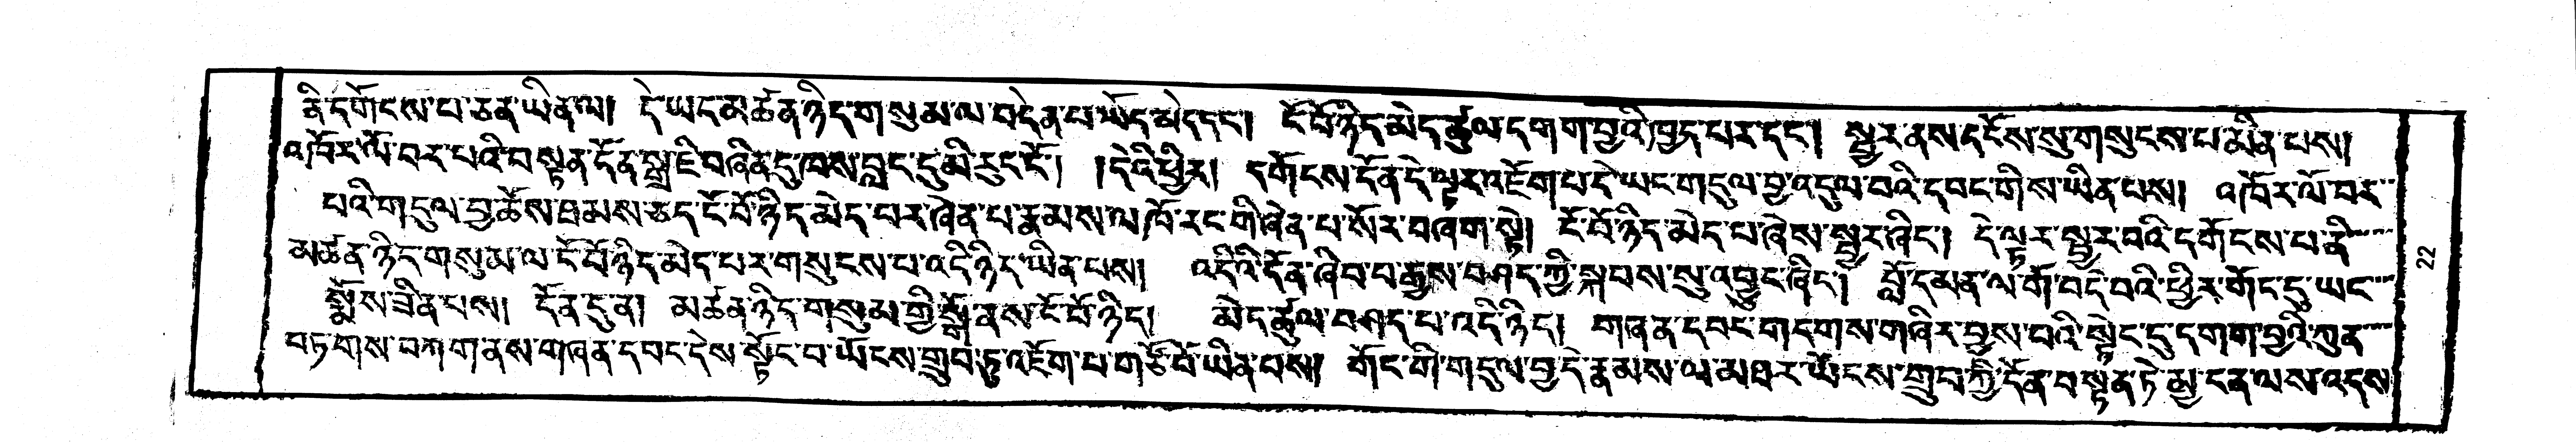ནི་དགོངས་པ་ཅན་ཡིན་ལ། དེ་ཡང་མཚན་ཉིད་གསུམ་ལ་བདེན་པ་ཡོད་མེད་དང་། ངོ་བོ་ཉིད་མེད་ཚུལ་དགག་བྱའི་ཁྱད་པར་དང་། སྦྱར་ནས་དངོས་སུ་གསུངས་པ་མིན་པས།
འཁོར་ལོ་བར་པའི་བསྟན་དོན་སྒྲ་ཇི་བཞིན་དུ་ཁས་བླང་དུ་མི་རུང་ངོ། །དེའི་ཕྱིར། དགོངས་དོན་དེ་ལྟར་འཇོག་པ་དེ་ཡང་གདུལ་བྱ་འདུལ་བའི་དབང་གིས་ཡིན་པས། འཁོར་ལོ་བར་
བའི་གདུལ་བྱ་ཆོས་ཐམས་ཅད་ངོ་བོ་ཉིད་མེད་པར་ཞེན་པ་རྣམས་ལ་ཁོ་རང་གི་ཞེན་པ་སོར་བཞག་སྟེ། ངོ་བོ་ཉིད་མེད་པ་ཞེས་སྦྱར་ཞིང་། དེ་ལྟར་སྦྱར་བའི་དགོངས་པ་ནི་
མཚན་ཉིད་གསུམ་ལ་ངོ་བོ་ཉིད་མེད་པར་གསུངས་པ་འདི་ཉིད་ཡིན་པས། འདིའི་དོན་ཞིབ་བ་རྒྱས་བཤད་ཀྱི་སྐབས་སུ་འབྱུང་ཞིང་། བློ་དམན་ལ་གོ་བདེ་བའི་ཕྱིར་གོང་དུ་ཡང་
སྨོས་ཟིན་པས། དོན་དུ་ན། མཚན་ཉིད་གསུམ་གྱི་སྒོ་ནས་ངོ་བོ་ཉིད། མེད་ཚུལ་བཤད་པ་འདི་ཉིད། གཞན་དབང་གདགས་གཞིར་བྱས་པའི་སྟེང་དུ་དགག་བྱའི་ཀུན་
བཏགས་བཀག་ནས་གཞན་དབང་དེས་སྟོང་བ་ཡོངས་གྲུབ་ཏུ་འཇོག་པ་གཙོ་བོ་ཡིན་པས། གོང་གི་གདུལ་བྱ་དེ་རྣམས་ལ་མཐར་ཡོངས་གྲུབ་ཀྱི་དོན་བསྟན་ཏེ་མྱ་ངན་ལས་འདས་